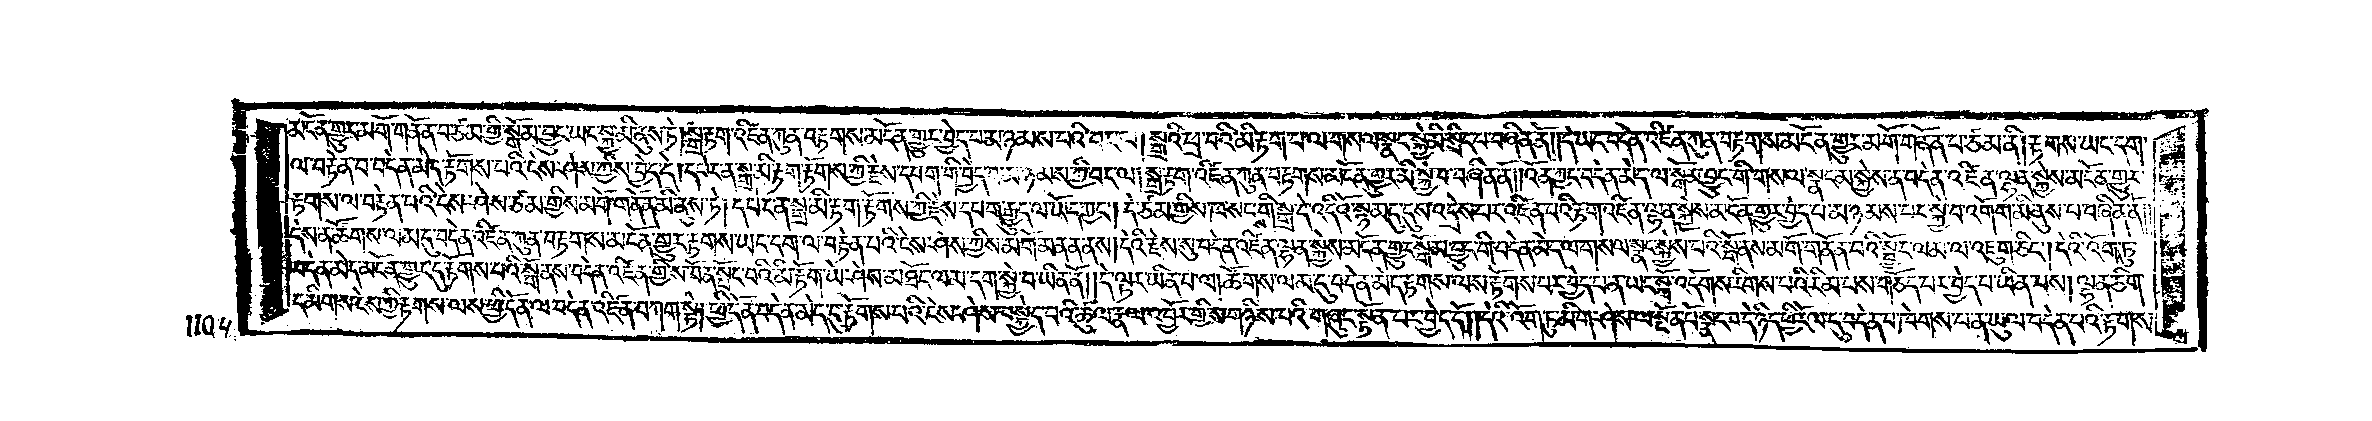མངོན་གྱུར་མགོ་གནོན་པ་ཙམ་གྱི་སྒོམ་བྱུང་ཡང་སྐྱེ་མི་ནུས་ཏེ། སྒྲ་རྟག་འཛིན་ཀུན་བརྟགས་མངོན་གྱུར་བྱེད་པ་མ་ཉམས་པའི་བར་ལ། སྒྲའི་ཕྲ་བའི་མི་རྟག་པ་ལ་གསལ་སྣང་སྐྱེ་མི་སྲིད་པ་བཞིན་ནོ། །དེ་ཡང་བདེན་འཛིན་ཀུན་བརྟགས་མངོན་གྱུར་མགོ་གནོན་པ་ཙམ་ནི། རྟགས་ཡང་དག་
ལ་བརྟེན་བ་བདེན་མེད་རྟོགས་པའི་ངེས་ཤེས་ཀྱིས་བྱེད་དེ། དཔེར་ན་སྒྲ་མི་རྟག་རྟོགས་ཀྱི་རྗེས་དཔག་གི་བྱེད་པ་མ་ཉམས་ཀྱི་བར་ལ། སྒྲ་རྟག་འཛིན་ཀུན་བརྟགས་མངོན་གྱུར་མི་སྐྱེ་བ་བཞིན་ནོ། །འོན་ཀྱང་བདེན་མེད་ལ་སྒོམ་བྱུང་གི་གསལ་སྣང་མ་སྐྱེས་ན་བདེན་འཛིན་ལྷན་སྐྱེས་མངོན་གྱུར་
རྟགས་ལ་བརྟེན་པའི་ངེས་ཤེས་ཙམ་གྱིས་མགོ་གནོན་མི་ནུས་ཏེ། དཔེར་ན་སྒྲ་མི་རྟག་རྟོགས་ཀྱི་རྗེས་དཔག་རྒྱུད་ལ་ཡོད་ཀྱང་། དེ་ཙམ་གྱིས་ཁ་སངས་གི་སྒྲ་དེ་འདིའོ་སྙམ་དུ་དུས་འདྲེས་པར་འཛིན་པའི་རྟག་འཛིན་ལྷན་སྐྱེས་མངོན་གྱུར་བྱེད་པ་མ་ཉམས་པར་སྐྱེ་བ་འགོག་མི་ནུས་པ་བཞིན་ནོ། །
དེས་ན་ཚོགས་ལམ་དུ་བདེན་འཛིན་ཀུན་བརྟགས་མངོན་གྱུར་རྟགས་ཡང་དག་ལ་བརྟེན་པའི་ངེས་ཤེས་ཀྱིས་མགོ་མནན་ནས། དེའི་རྗེས་སུ་བདེན་འཛིན་ལྷན་སྐྱེས་མངོན་གྱུར་སྒོམ་བྱུང་གི་བདེན་མེད་ལ་གསལ་སྣང་སྐྱེས་པའི་སྒོ་ནས་མགོ་གནོན་པའི་སྦྱོར་ལམ་ལ་འཇུག་ཅིང་། དེའི་འོག་ཏུ་
བདེན་མེད་མངོན་གྱུར་དུ་རྟོགས་པའི་སྒོ་ནས་བདེན་འཛིན་གྱི་ས་བོན་སྤོང་བའི་མི་རྟོག་ཡེ་ཤེས་མཐོང་ལམ་དག་སྐྱེ་བ་ཡིན་ནོ། །དེ་ལྟར་ཡིན་པ་ལ། ཚོགས་ལམ་དུ་བདེན་མེད་རྟགས་ལས་རྟོགས་པར་བྱེད་པ་ན་ཡང་སྒྲོ་འདོགས་རིགས་པའི་རིམ་པས་གཅོད་པར་བྱེད་པ་ཡིན་པས། ལྷན་ཅིག་
དམིགས་ངེས་ཀྱི་རྟགས་ལས་ཕྱི་དོན་ལ་བདེན་འཛིན་བཀག་སྟེ། ཕྱི་དོན་བདེན་མེད་དུ་རྟོགས་པའི་ངེས་ཤེས་བསྐྱེད་པའི་ཚུལ་རྣལ་འབྱོར་གྱིས་གཉིས་པའི་གཞུང་སྟོན་པར་བྱེད་དོ། །དེའི་འོག་ཏུ་མིག་ཤེས་ལ་སྔོན་པོ་སྣང་བ་དེ་ཉིད་ཕྱི་རོལ་དུ་བདེན་པ་ཁེགས་པ་ན་ཡུལ་བདེན་པའི་རྟགས་